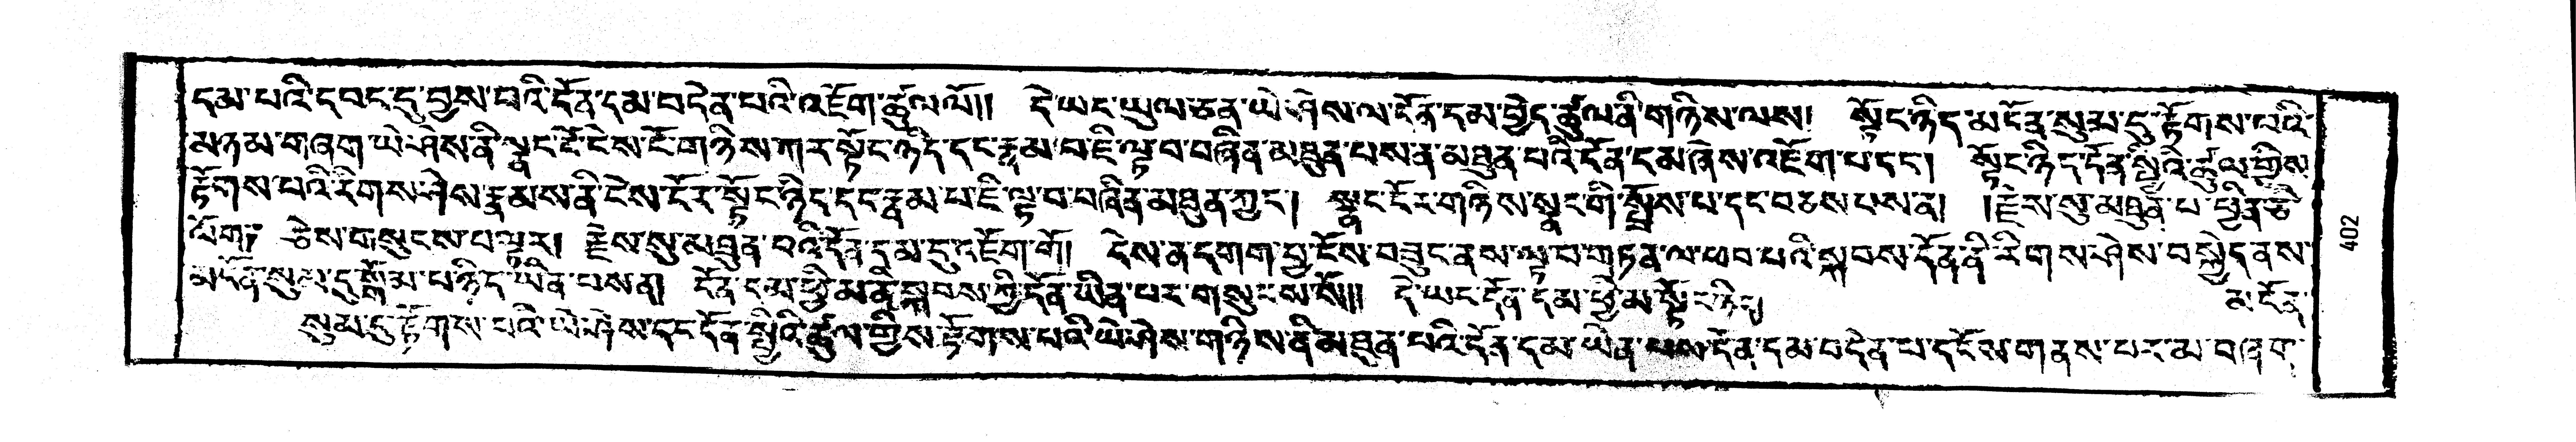དམ་པའི་དབང་དུ་བྱས་པའི་དོན་དམ་བདེན་པའི་འཇོག་ཚུལ་ལོ།། དེ་ཡང་ཡུལ་ཅན་ཡེ་ཤེས་ལ་དོན་དམ་བྱེད་ཚུལ་ནི་གཉིས་ལས། སྟོང་ཉིད་མངོན་སུམ་དུ་རྟོགས་པའི་
མཉམ་གཞག་ཡེ་ཤེས་ནི་སྣང་ངོ་ངེས་ངོ་གཉིས་ཀར་སྟོང་ཉིད་དང་རྣམ་པ་ཇི་ལྟ་བ་བཞིན་མཐུན་པས་ན་མཐུན་པའི་དོན་དམ་ཞེས་འཇོག་པ་དང་། སྟོང་ཉིད་དོན་སྤྱིའི་ཚུལ་གྱིས་
རྟོགས་པའི་རིགས་ཤེས་རྣམས་ནི་ངེས་ངོར་སྟོང་ཉིད་དང་རྣམ་པ་ཇི་ལྟ་བ་བཞིན་མཐུན་ཀྱང་། སྣང་ངོར་གཉིས་སྣང་གི་སྤྲོས་པ་དང་བཅས་པས་ན། །རྗེས་སུ་མཐུན་པ་ཕྱིན་ཅི་
ལོག༑ ཅེས་གསུངས་པ་ལྟར། རྗེས་སུ་མཐུན་པའི་དོན་དམ་དུ་འཇོག་གོ། དེས་ན་དགག་བྱ་ངོས་བཟུང་ནས་ལྟ་བ་གཏན་ལ་ཕབ་པའི་སྐབས་དོན་ནི་རིགས་ཤེས་བསྐྱེད་ནས་
མངོན་སུམ་དུ་སྒོམ་པ་ཉིད་ཡིན་པས་ན། དོན་དམ་ཕྱི་མ་ནི་སྐབས་ཀྱི་དོན་ཡིན་པར་གསུངས་སོ། །དེ་ཡང་དོན་དམ་ཕྱི་མ་སྟོང་ཉིད། མངོན་
སུམ་དུ་རྟོགས་པའི་ཡེ་ཤེས་དང་དོན་སྤྱིའི་ཚུལ་གྱིས་རྟོགས་པའི་ཡེ་ཤེས་གཉིས་ནི་མཐུན་པའི་དོན་དམ་ཡིན་པས་དོན་དམ་བདེན་པ་དངོས་གནས་པར་མ་བཞག་